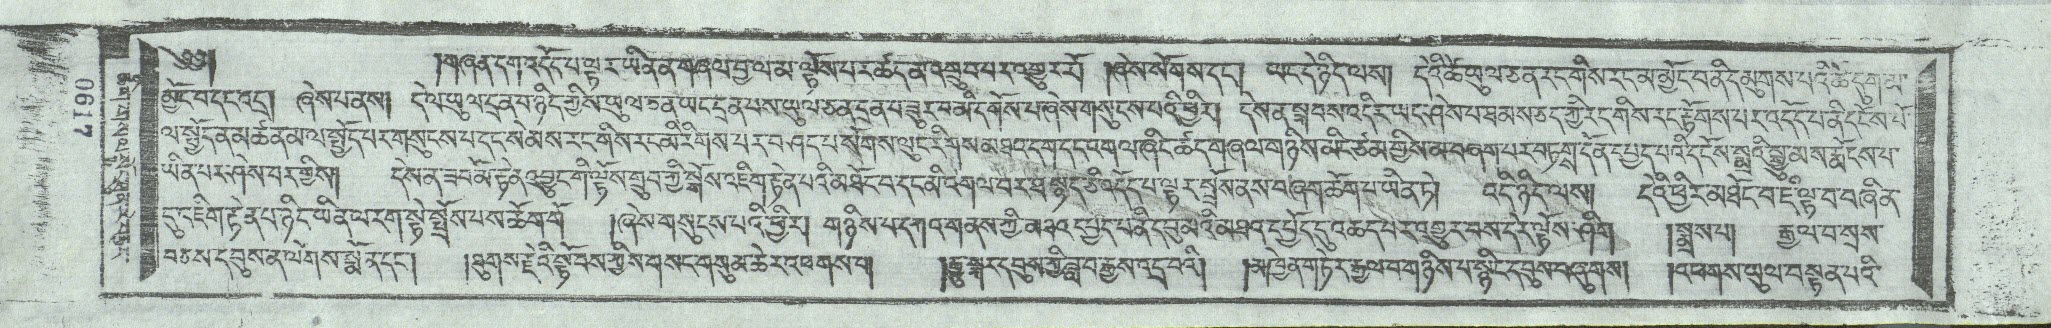༄༅། །གཞན་དག་འདོད་པ་ལྟར་ཡིན་ན་གཞལ་བྱ་ལ་མ་ལྟོས་པར་ཚད་མ་འགྲུབ་པར་འགྱུར་རོ། །ཞེས་སོགས་དང་། ཡང་དེ་ཉིད་ལས། དེའི་ཚེ་ཡུལ་ཅན་རང་གིས་རང་མ་མྱོང་བ་ནི་དམུགས་པའི་ཚེ་དུག་མ་
མྱོང་བ་དང་འདྲ། ཞེས་པ་ནས། དེ་ལ་ཡུལ་དྲན་པ་ཉིད་ཀྱིས་ཡུལ་ཅན་ཡང་དྲན་པས་ཡུལ་ཅན་དྲན་པ་ཟུར་བ་མི་དགོས་པ་ཞེས་གསུངས་པའི་ཕྱིར། དེས་ན་སྐབས་འདིར་ཡང་ཤེས་པ་ཐམས་ཅད་ཀྱི་རང་གིས་རང་རྟོགས་པར་འདོད་པ་ནི་དངོས་པོ་
ལ་སྤྱོད་ན་མཚན་མ་ལ་སྤྱོད་པར་གསུངས་པ་དང་སེམས་རང་གིས་རང་མི་རིགས་པར་བཤད་པ་སོགས་ལུང་རིགས་མཐའ་དག་དང་འགལ་ཞིང་ཚད་གཞལ་གཉིས་མིང་ཙམ་གྱིས་མ་བཞག་པར་བཏགས་དོན་དཔྱད་པའི་དངོས་སྨྲའི་སྒྱུ་མས་རྨོངས་པ་
ཡིན་པར་ཤེས་པར་གྱིས། དེས་ན་ཟབ་མོ་རྟེན་འབྱུང་གི་ལྟོས་གྲུབ་ཀྱི་སྒོས་འཇིག་རྟེན་པའི་མཐོང་བ་དང་མི་འགལ་བར་ཐ་སྙད་ཅི་འདོད་པ་ལྟར་སྤྲོས་ནས་བཞག་ཆོག་པ་ཡིན་ཏེ། འདི་ཉིད་ལས། དེའི་ཕྱིར་མཐོང་བ་ཇི་ལྟ་བ་བཞིན་
དུ་འཇིག་རྟེན་པ་ཉིད་ཡིན་ལ་རག་སྟེ་སྤྲོས་པས་ཆོག་གོ །ཞེས་གསུངས་པའི་ཕྱིར། གཉིས་པ་དཀའ་གནས་ཀྱི་མཐའ་དཔྱད་པ་ནི་དབུ་མའི་མཐའ་དཔྱོད་དུ་འཆད་པར་འགྱུར་བས་དེར་ལྟོས་ཤིག །སྨྲས་པ། རྒྱལ་བ་སྲས་
བཅས་དབུས་ན་ལེགས་སྨོན་དང་། །ཐུགས་རྗེའི་སྟོབས་ཀྱིས་གསང་གསུམ་ཆེར་འཕགས་པ། །རྒྱུ་སྐར་དབུས་ཀྱི་ཟླ་བ་རྒྱས་འདྲ་བའི། །མཁྱེན་གཏེར་རྒྱལ་བ་གཉིས་པ་སྙིང་དབུས་བཞུགས། །འཕགས་ཡུལ་བསྟན་པའི་